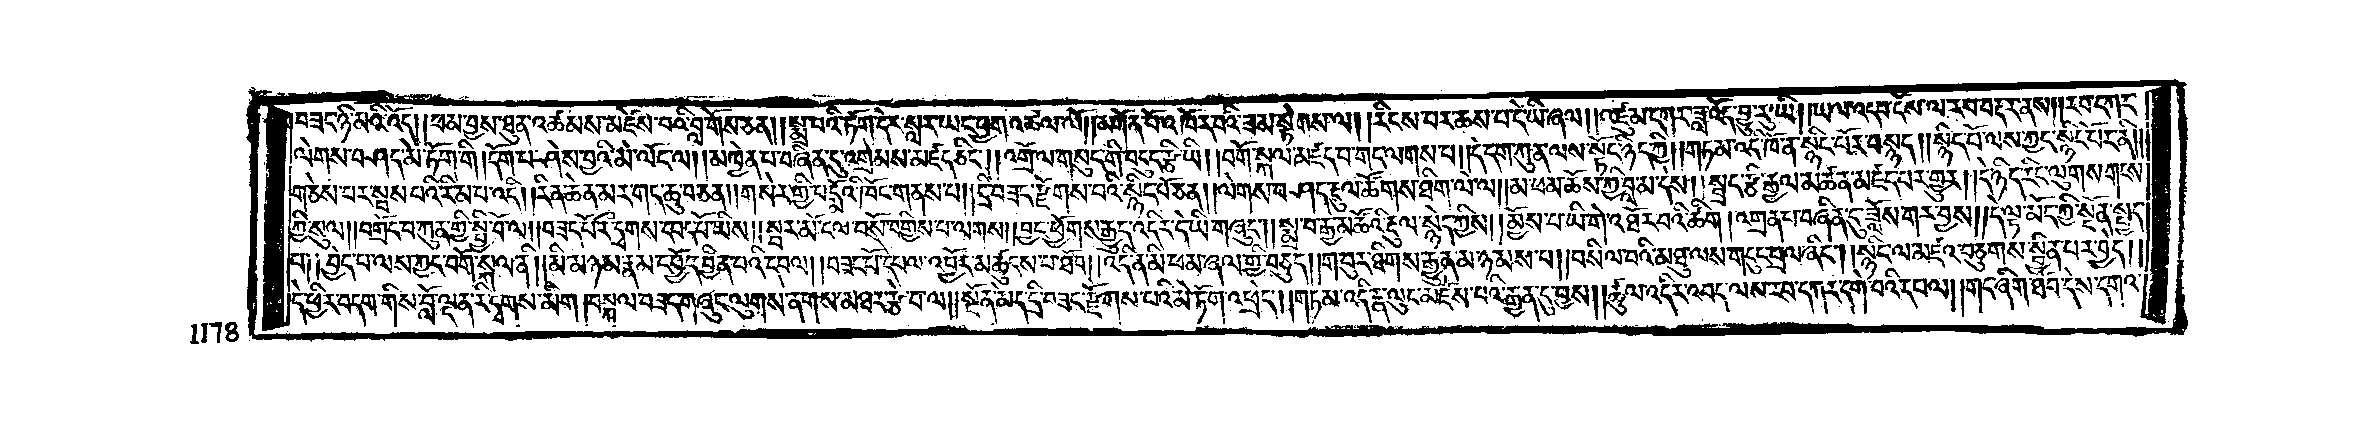བཟང་ཉི་མའི་འོད། །ཕམ་བྱས་ཐུན་འཚམས་མཛེས་པའི་བློ་གོས་ཅན། །སྨྲ་བའི་ཏོག་དེར་སླར་ཡང་ཕྱག་འཚལ་ལོ། །མགོན་པོ་འཁོར་བའི་ཟམ་སྟེགས་ལ། །རིངས་པར་ཆས་པ་དེ་ཡི་ཞལ། །འཛུམ་དཀར་ཟླ་འོད་བྱུ་རུ་ཡི། །ཡལ་འདབ་ངོས་ལ་རབ་བརྡར་ནས། །རབ་དཀར་
ལེགས་བཤད་མེ་ཏོག་གི། དོག་པ་ཤེས་བྱའི་མེ་ལོང་ལ། །མཁྱེན་པ་བཞིན་དུ་འགྲེམས་མཛད་ཅིང་། །འགྲོ་ལ་གསུང་གི་བདུད་རྩི་ཡི། །བགོ་སྐལ་མཛད་པ་གང་ལགས་པ། །དེ་དག་ཀུན་ལས་སྟོང་ཉིད་ཀྱི། །གཏམ་འདི་ཁོ་ན་སྙིང་པོར་བསྙད། །སྙིང་པོ་ལས་ཀྱང་སྙིང་པོར་ནི།།
གཅེས་པར་སྦས་པའི་རིམ་པ་འདི། །རིན་ཆེན་མར་གད་ཆུ་བ་ཅན། །གསེར་གྱི་པདྨོའི་ཁོང་གནས་པ། །དྲི་བཟང་རྫོགས་པའི་སྙིང་པོ་ཅན། །ལེགས་བཤད་རྡུལ་ཚོགས་ཐིག་ལེ་ལ། །མ་ཕམ་ཆོས་ཀྱི་བླ་མ་དེས། །སྦྲང་རྩི་རྒྱལ་མཚན་མཛད་པར་གྱུར། །དེ་ཉིད་རིང་ལུགས་གངས་
ཀྱི་སུལ། །བགྲོང་བ་ཀུན་གྱི་སྤྱི་བོ་ལ། །བཟང་པོ་རི་དྭགས་དབང་པོ་ཡིས། །སྦར་མོ་ངལ་བསོ་བགྱིས་པ་ལགས། །བྱང་ཕྱོགས་རྒྱུད་འདིར་དེ་ཡི་གཞུང་། །སྨྲ་བ་རྒྱ་མཚོའི་རྡུལ་སྙེད་ཀྱིས། །མྱོས་པ་ཡི་གེ་འཐོར་བའི་ཚིག། འགྲན་པ་བཞིན་དུ་ཟློས་གར་བྱས། །དེ་ལྟ་མོད་ཀྱི་སྔོན་སྤྱད་
པ༑ ༑བྱེད་པ་ལས་ཀྱང་བགོ་སྐལ་ནི། །མི་མཉམ་རྣམ་དཔྱོད་བྱིན་པའི་དཔལ། །བཟང་པོ་དཔལ་འབྱོར་མཚུངས་པ་ཐོབ། །འདི་ནི་མི་ཕམས་ཞལ་གྱི་བཅུད། །ག་བུར་ཐིགས་རྒྱུན་མ་ཉམས་པ། །བསིལ་བའི་མཐུ་ལས་གདུང་བྲལ་ཞིང་། །སྙིང་ལ་མཛའ་བཅུགས་སྦྱིན་པར་བྱེད། །
དེ་ཕྱིར་བདག་གིས་བློ་ལྡན་རི་དྭགས་མིག །བསྐལ་བཟད་གཞུང་ལུགས་ནགས་མཐར་རྩེ་བ་ལ། །སྔོན་མེད་དྲི་བཟང་རྫོགས་པའི་མེ་ཏོག་འཕྲེད། །གཏམ་འདི་རྣ་ལུང་མཛེས་པའི་རྒྱན་དུ་བྱས། །ཚུལ་འདིར་འབད་ལས་རབ་དཀར་དགེ་བའི་དཔལ། །གང་ཞིག་ཐོབ་དེས་དགའ་